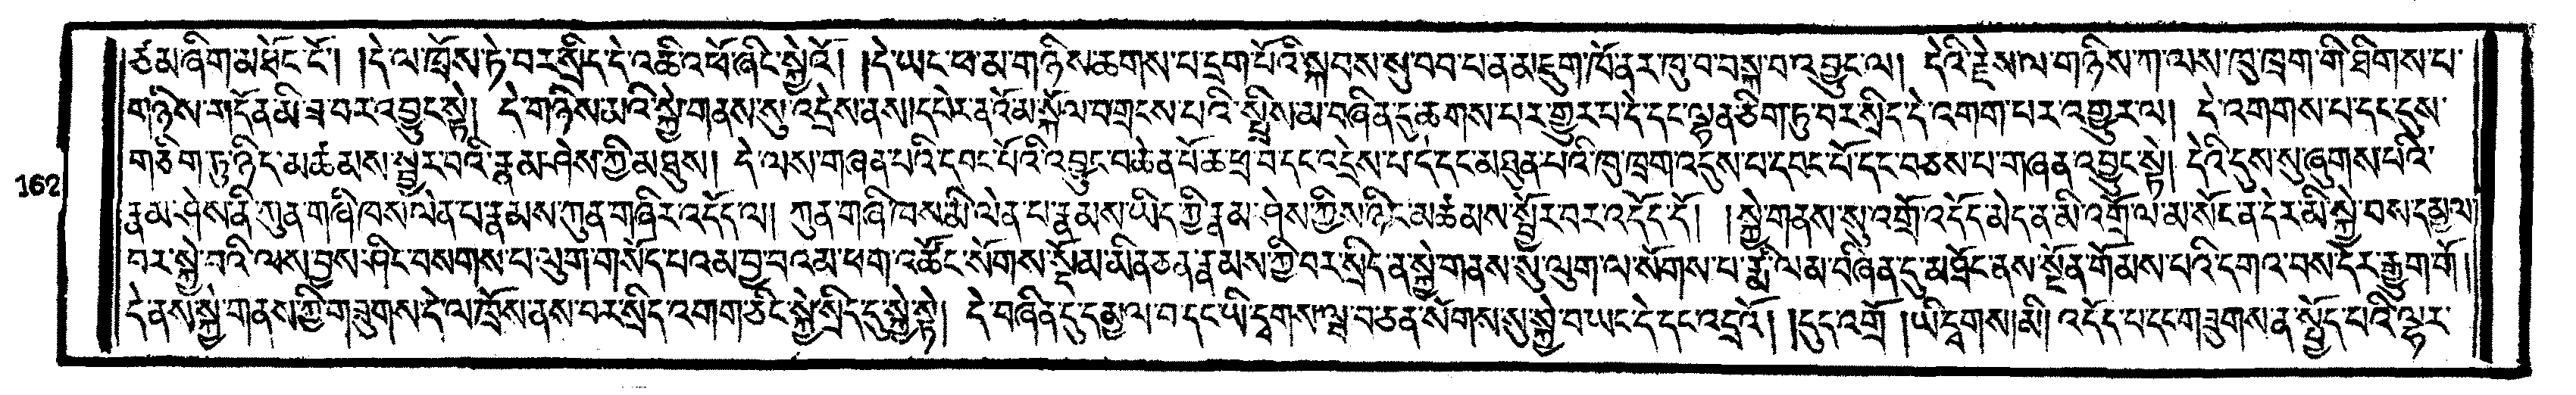ཙམ་ཞིག་མཐོང་ངོ། །དེ་ལ་ཁྲོས་ཏེ་བར་སྲིད་དེ་འཆི་འཕོ་ཞིང་སྐྱེའོ། །དེ་ཡང་ཕ་མ་གཉིས་ཆགས་པ་དྲག་པོའི་སྐབས་སུ་བབ་པ་ན་མཇུག་ཁོ་ནར་ཁུ་བ་བསྐ་བ་འབྱུང་ལ། དེའི་རྗེས་ལ་གཉིས་ཀ་ལས་ཁུ་ཁྲག་གི་ཐིགས་པ་
གཉིས་གདོན་མི་ཟ་བར་འབྱུང་སྟེ། དེ་གཉིས་མའི་སྐྱེ་གནས་སུ་འདྲེས་ནས། དཔེར་ན་འོ་མ་སྐོལ་བ་གྲངས་པའི་སྤྲིས་མ་བཞིན་དུ་ཆགས་པར་གྱུར་པ་དེ་དང་ལྷན་ཅིག་ཏུ་བར་སྲིད་དེ་འགག་པར་འགྱུར་ལ། དེ་འགགས་པ་དང་དུས་
གཅིག་ཏུ་ཉིད་མཚམས་སྦྱར་བའི་རྣམ་ཤེས་ཀྱི་མཐུས། དེ་ལས་གཞན་པའི་དབང་པོའི་འབྱུང་བ་ཆེན་པོ་ཆ་ཕྲ་བ་དང་འདྲེས་པ་དེ་དང་མཐུན་པའི་ཁུ་ཁྲག་འདུས་པ་དབང་པོ་དང་བཅས་པ་གཞན་འབྱུང་སྟེ། དེའི་དུས་སུ་ཞུགས་པའི་
རྣམ་ཤེས་ནི་ཀུན་གཞི་ཁས་ལེན་པ་རྣམས་ཀུན་གཞིར་འདོད་ལ། ཀུན་གཞི་ཁས་མི་ལེན་པ་རྣམས་ཡིད་ཀྱི་རྣམ་ཤེས་ཀྱིས་ཉིང་མཚམས་སྦྱོར་བར་འདོད་དོ། །སྐྱེ་གནས་སུ་འགྲོ་འདོད་མེད་ན་མི་འགྲོ་ལ་མ་སོང་ན་དེར་མི་སྐྱེ་བས་དམྱལ་
བར་སྐྱེ་བའི་ལས་བྱས་ཤིང་བསགས་པ་ལུག་གསོད་པའམ་བྱ་བའམ་ཕག་འཚོང་སོགས་སྡོམ་མིན་ཅན་རྣམས་ཀྱི་བར་སྲིད་ན་སྐྱེ་གནས་སུ་ལུག་ལ་སོགས་པ་རྨི་ལམ་བཞིན་དུ་མཐོང་ནས་སྔོན་གོམས་པའི་དགའ་བས་དེར་རྒྱུག་གོ།
དེ་ནས་སྐྱེ་གནས་ཀྱི་གཟུགས་དེ་ལ་ཁྲོས་ནས་བར་སྲིད་འགག་ཅིང་སྐྱེ་སྲིད་དུ་སྐྱེ་སྟེ། དེ་བཞིན་དུ་དམྱལ་བ་དང་ཡི་དྭགས་ཝ་བ་ཅན་སོགས་སུ་སྐྱེ་བ་ཡང་དེ་དང་འདྲའོ། །དུད་འགྲོ་།ཡི་དྭགས་མི། འདོད་པ་དང་གཟུགས་ན་སྤྱོད་པའི་ལྟར་